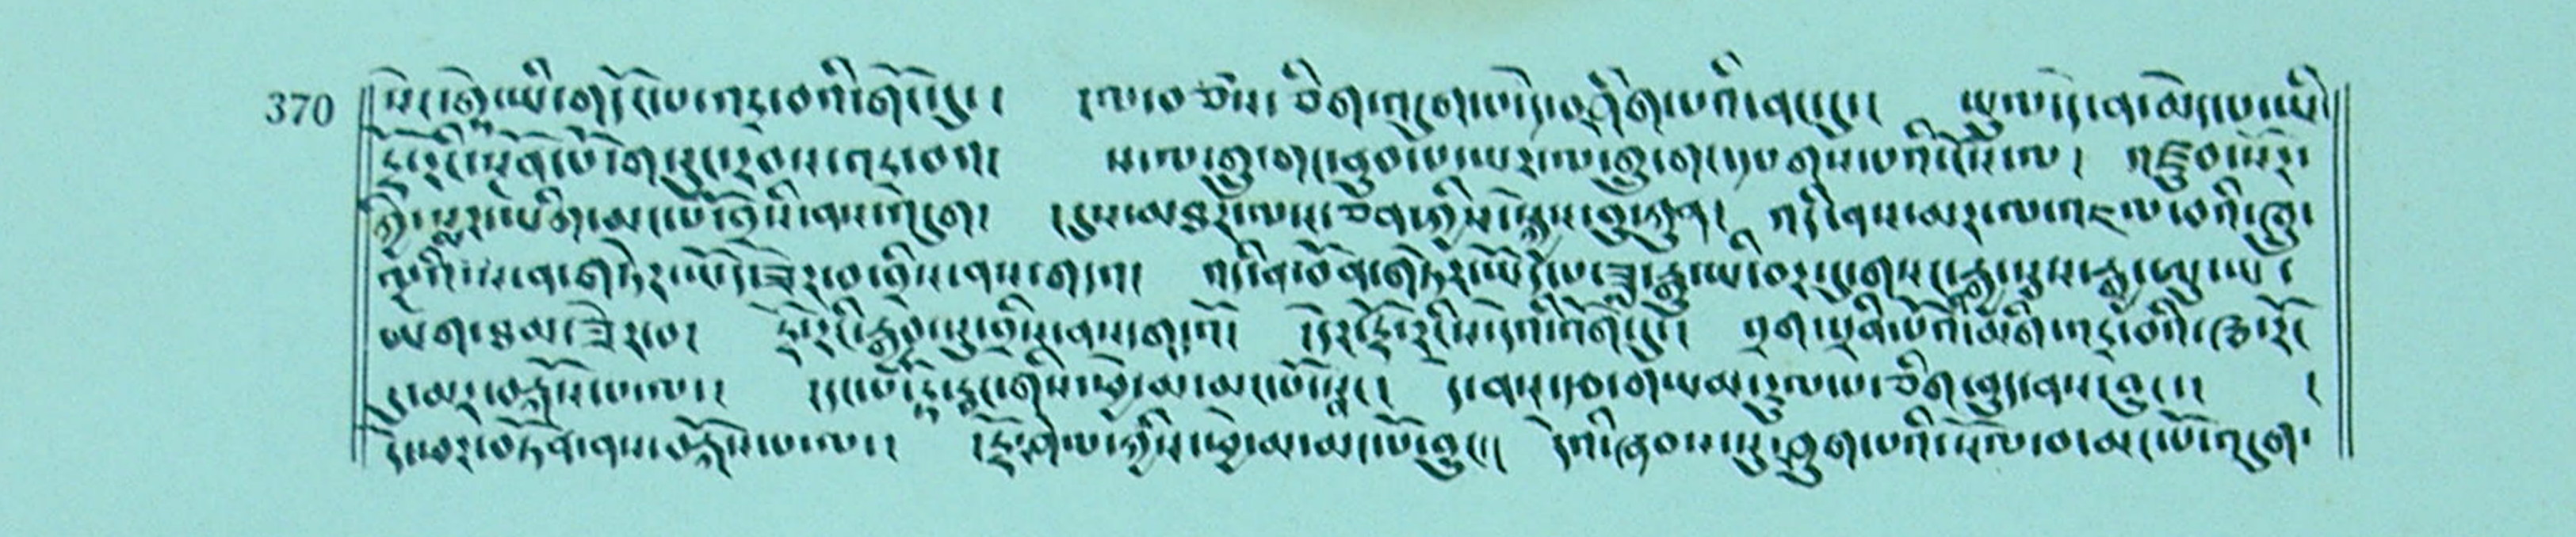སེང་གེ་ཡི་གདོང་བ་འདྲ་བའི་གོང་ན། ལ་བཙས་ཅིག་འདུག་པ་དེ་བཤིགས་པའི་ནང་དུ། ཡུལ་དེ་ན་མེད་པ་ཡི་
རྡོ་རིང་སྔོན་པོ་གསུང་རབ་འདྲ་བ། ས་ལ་གྲུ་གང་ནུབ་པ་ཡར་ལ་གྲུ་གང་དཔགས་པའི་ངོས། མཛུབ་སོར་
གྱི་སྨར་ཡིག་མང་པོ་བྲིས་ནས་འདུག དུས་མཐའ་ལས་ཅན་གྱིས་སྐྱེས་བུ་ཀུན། འདི་ནས་མར་ལ་འཇལ་བའི་ཁྲུ་
ལྔའི་ས་ན་གཏེར་ཡོད་ཟེར་བ་བྲིས་ནས་གདའ། འདི་ན་བོན་གཏེར་ཡོད་པ་ཟླ་རྒུ་ཡི་བར་དུ་གསང་རྒྱ་སྦས་རྒྱ་ཨུ་ཡ་
ཨག་ཐམ་ཟེར་བ། རྡོ་རིང་རྒྱབ་ཏུ་བྲིས་ནས་གདའ་འོ། །དེར་རྡོ་རིང་དེའི་འོག་ཏུ། བྲག་སྲིན་པོའི་མིག་འདྲ་བའི་ཝ་རོ་
དུ་མར་བརྐོས་པ་ལ། དང་པོ་རྟ་རྦང་གིས་ཕྱེ་མ་མང་པོ་སྣང་། དེ་ནས་རྩ་གཡམ་རུམ་པ་ཅིག་བུད་ནས་བྱུང་། 
དེ་ཕར་བཏོན་ནས་བརྐོས་པ་ལ། རྡོ་ཤེལ་གྱི་ཕྱེ་མ་མང་པོ་བྱུང་། དེའི་ཞབས་སུ་ཤུག་པའི་སོལ་བ་མང་པོ་འདུག